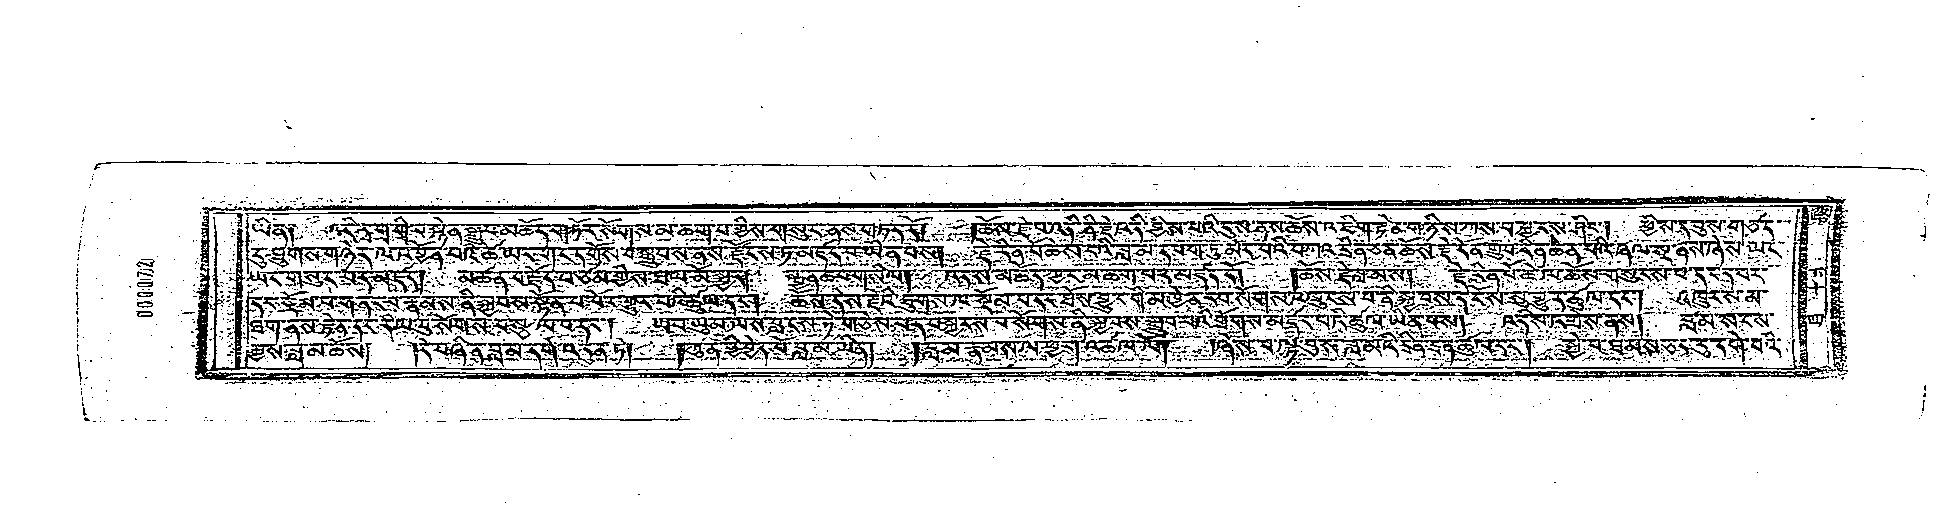ཡིན༑ འདི་དག་གི་བསྙེན་སྒྲུབ་མཆོད་གཏོར་སོགས་མ་ཆག་པ་གྱིས་གསུང་ནས་གཏད་དོ། །ཆོས་རྗེ་པ་འདི་ནི་རྗེ་འདི་བྱིས་པའི་དུས་ནས་ཆོས་འཇིག་རྟེན་གཉིས་ཀས་བསྐྱངས་ཤིང་། ཕྱིས་དབུས་གཙད་
དུ་ཐུགས་གཉེར་ལ་འབྱོན་བའི་ཚེ་ཡང་གང་དགོས་བསྒྲུབས་ནས་རྫོངས་ཏ་མཛད་བ་ཡིན་པས། རྗེ་རིན་པོ་ཆེས་ངའི་བླ་མ་དཔག་ཏུ་མེད་པའི་བཀའ་དྲིན་ཅན་ཆོས་རྗེ་དོན་གྲུབ་རིན་ཆེན་པའི་ཞལ་སྔ་ནས་ཞེས་ལང་
ཡང་གསུང་བར་མཛད། མཚན་བརྗོད་བ་ཙམ་གྱིས་ཐལ་མོ་སྦྱར། སྦྱན་ཆབ་གསིལ། འདས་མཆོད་ཀྱང་མ་ཆག་པར་མཛད་དོ། །ཆོས་རྗེ་བླ་མས། རྗེ་རིན་པོ་ཆེ་ལ་ཆོས་གསུངས་པ་དང་དབང་
དང་སྡོམ་པ་གནང་བ་རྣམས་ནི་སྐྱབས་སྟོན་པ་པོར་གྱུར་པའི་ཚུལ་དང་། ཆོས་དེས་རྗེའི་ཐུགས་ལ་སྡོམ་པ་དང་ཐོས་བྱུང་གི་མཁྱེན་རབ་སོགས་འཁྲུངས་པ་ནི་སྐྱབས་དངོས་སུ་གྱུར་ཚུལ་དང་། འཁྲུངས་མ་
ཐག་ནས་རྟེན་དང་རིལ་བུ་སོགས་བསྩལ་བ་དང་། ཡབ་ཡུམ་ཁས་བླངས་ཏེ་གཅེས་པར་བསྐྱངས་པ་སོགས་ནི་སྐྱབས་སྒྲུབ་པའི་གྲོགས་མཛད་པའི་ཚུལ་ཡིན་པས། འདིས་འགྲེས་ནས། བླ་མ་སངས་
རྒྱས་བླ་མ་ཆོས། །དེ་བཞིན་བླ་མ་དགེ་འདུན་ཏེ། །ཀུན་གྱི་བྱེད་པོ་བླ་མ་ཡིན། །བླ་མ་རྣམས་ལ་ཕྱག་འཚལ་ལོ། །ཞེས་པ་ལྟ་བུས་བླ་མའི་དྲིན་དྲན་ཚུལ་དང་། སྐྱེ་པ་ཐམས་ཅད་དུ་དགེ་བའི་